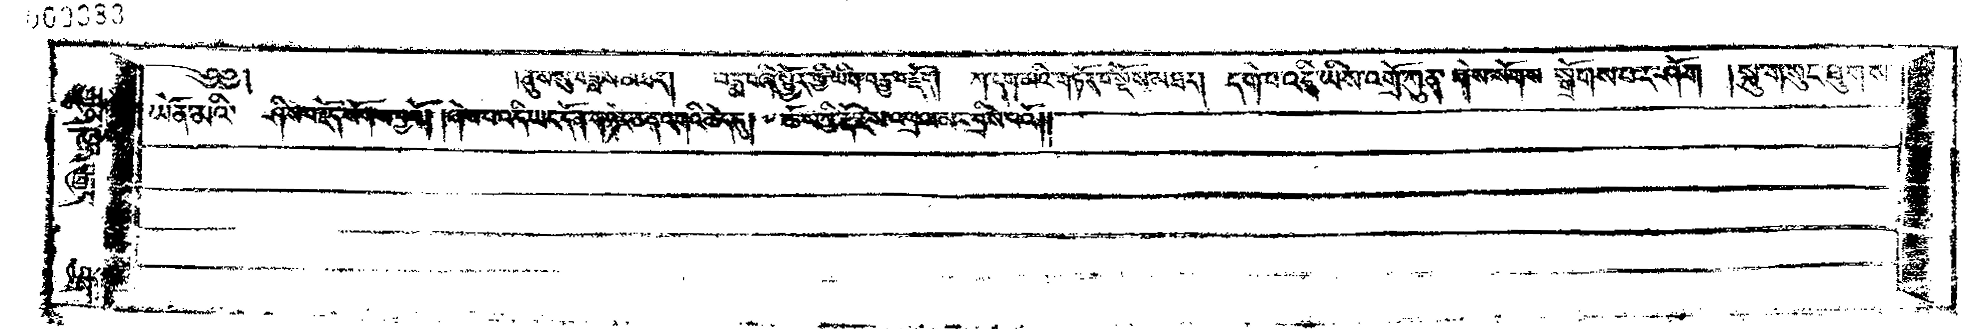༄༅། །ནུས་སུ་བཟླས་མཐར། པདམ་བཞི་སྦྱོར་གྱི་ཡིག་བརྒྱ་བརྗོད། ཀ་དག་མའི་གཏོར་བསྔོས་མཐར། དགེ་བ་འདི་ཡིས་འགྲོ་ཀུན་ཞེས་སོགས་སྒྲོགས་པར་ཤོག །སྐུ་གསུང་ཐུགས་
ཡོན་མའི་ཤིས་བརྗོད་སོགས་བྱའོ། །ཞེས་པ་འདི་ཡང་དོན་གཉེར་ཅན་འགའི་ཆེད་དུ། ༧ཆོས་ཀྱི་རྡོ་རྗེས་འཕྲལ་ལང་བྲིས་པའོ། །